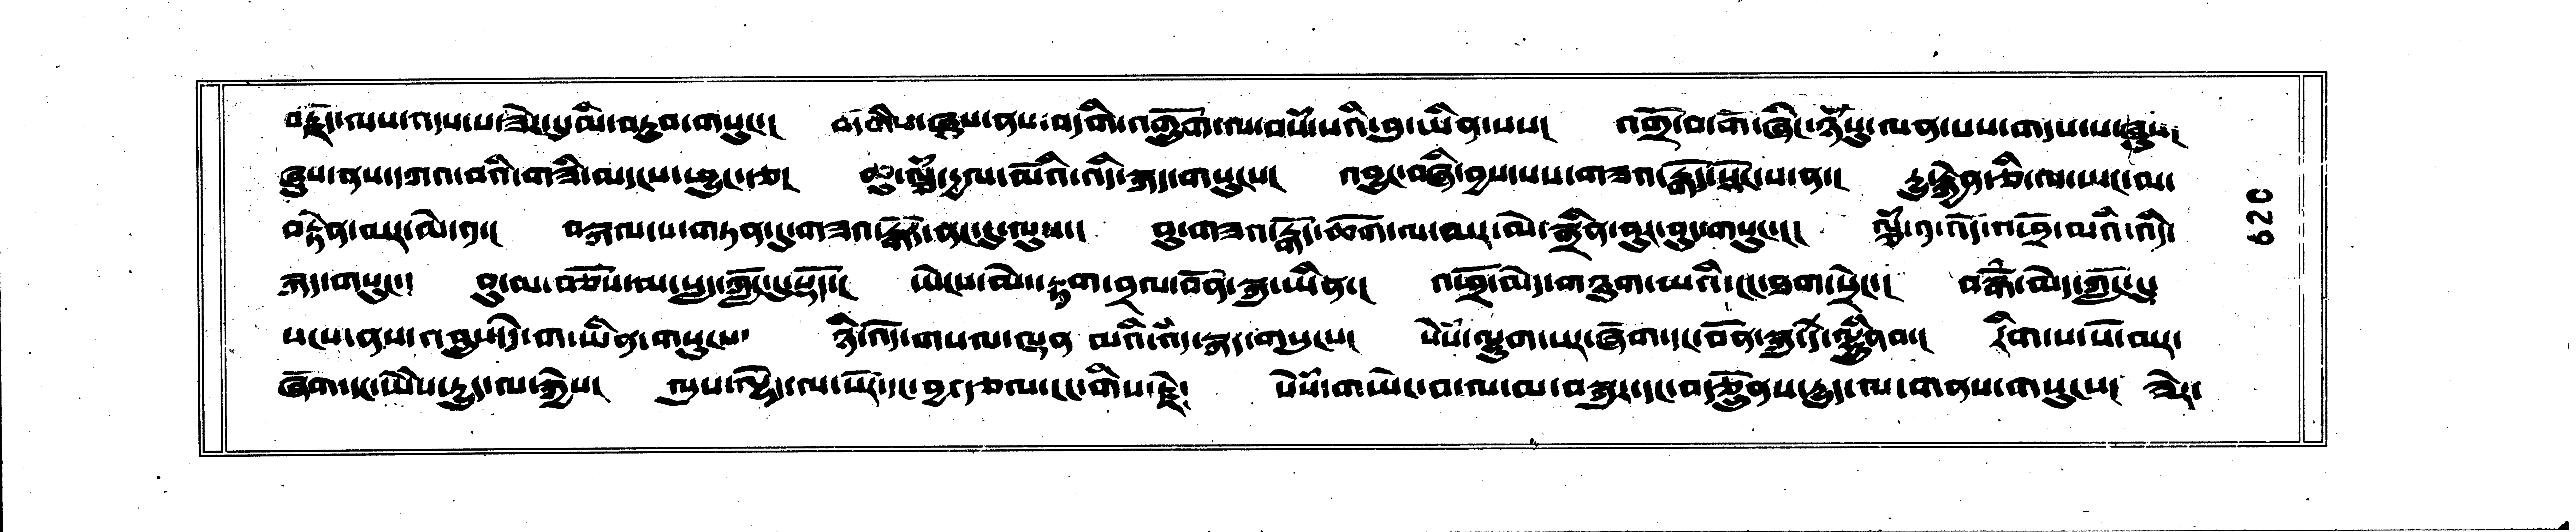བརྗོད་ལ་འདས་པས་ཟེར་དུ་མི་བཏུབ་གསུངས། བདག་གིས་ཞུས་པ། བདག་ནི་འགྲོ་དྲུག་ལ་བསམ་པའི་བུ་གཅིག་ཡིན་པས། འགྲོ་བས་གོ་ཞིང་ཉམས་སུ་ལེན་པའི་གདམ་པ་གཅིག
་ཞུ་ནས། དགའ་བའི་གཟི་མདངས་ཕྱུང་ཙ། ཆུ་ལྕམ་རྒྱལ་མོས་འདི་སྐད་གསུངས། འབྱུང་བ་བཞི་ལ་བྱས་པའི་རྫ་རྒོག་སྟོང་པ་ན། རྒྱུ་རྐྱེན་ཅི་ལ་ཡང་མ་
བརྟེན་མར་མེ་གཅིག སྐལ་པ་གཏན་དུ་རྫ་རྒོག་ནང་དུ་ལུས། བུ་རྫ་རྒོག་ཆོག་ལ་མར་མེ་སྒྲོན་བུར་ཕུད་གསུངས། ཆུ་ལྕམ་འོད་འཕྲོ་མས་འདི་
སྐད་གསུངས། བུ་མ་བཅོས་མ་བསླད་ཀློང་དུ་སྡོད། ཡེང་མེད་རྟོགས་བྲལ་བོན་སྐུ་ཡིན། འཕྲོ་མེད་གཉུང་མ་ངང་ཐག་རིང་། སྒོམ་མེད་ཀློང་དུ་
སང་ན་འབྲས་བུ་དེ་ཀ་ཡིན་གསུངས། ཉི་འོད་གསལ་ལན་མས་འདི་སྐད་གསུངས། སེམས་ལྷུག་པར་ཞོག་དང་བོན་སྐུ་ལྷུན་གྱི་གྲུབ། རིག་པ་སོ་མར་
ཞོག་དང་ཡེ་ཤེས་རྒྱུད་ལ་སྐྱེ། ལུས་ལྷོད་ལ་བོར་དང་བྱ་རྩལ་ངང་གི་བརྗེད། སེམས་གཡེང་བ་སྐྱུར་དང་བརྩོན་འགྲུས་རྒྱུད་ལ་གནས་གསུངས། ཟེར་